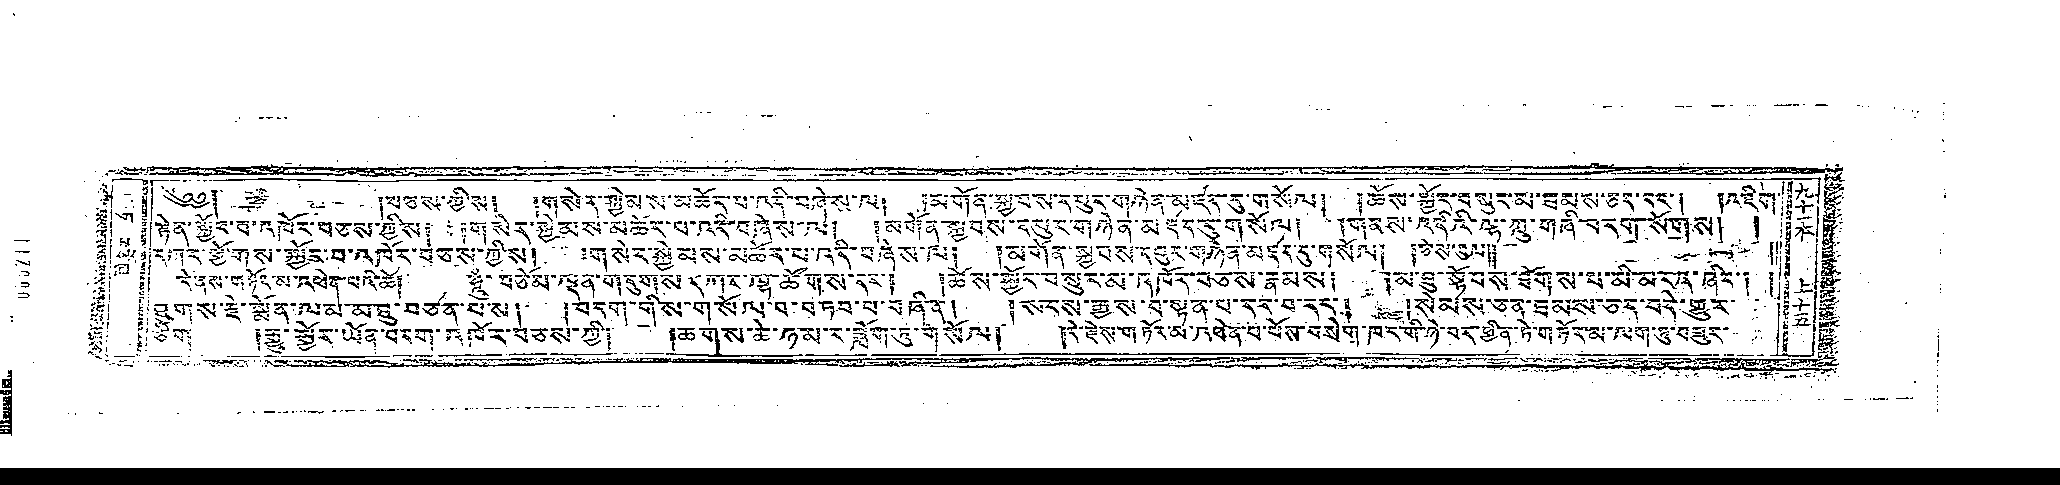༄༅། །བཅས་ཀྱིས། །གསེར་སྐྱེམས་མཆོད་པ་འདི་བཞེས་ལ། །མགོན་སྐྱབས་དཔུང་གཉེན་མཛད་དུ་གསོལ། །ཆོས་སྐྱོང་བསྲུང་མ་ཐམས་ཅད་དང་། །འཇིག་
རྟེན་སྐྱོང་བ་འཁོར་བཅས་ཀྱིས། །གསེར་སྐྱེམས་མཆོད་པ་འདི་བཞེས་ལ། །མགོན་སྐྱབས་དབུང་གཉེན་མཛད་དུ་གསོལ། །གནས་འདིའི་ལྷ་ཀླུ་གཞི་བདག་སོགས། །
དཀར་ཕྱོགས་སྐྱོང་བ་འཁོར་བཅས་ཀྱིས། །གསེར་སྐྱེམས་མཆོད་པ་འདི་བཞེས་ལ། །མགོན་སྐྱབས་དཔུང་གཉེན་མཛད་དུ་གསོལ། །ཅེས་ཕུལ།། །།
དེ་ནས་གཏོར་མ་འཕེན་པའི་ཚེ། ཧཱུཾ་བཅོམ་ལྡན་གདུགས་དཀར་ལྷ་ཚོགས་དང་། །ཆོས་སྐྱོང་བསྲུང་མ་འཁོར་བཅས་རྣམས། །མཐུ་སྟོབས་ཐོགས་པ་མི་མངའ་ཞིང་། །
ཐུགས་རྗེ་སྨོན་ལམ་མཐུ་བཙན་པས། །བདག་གིས་གསོལ་བ་བཏབ་པ་བཞིན། །སངས་རྒྱས་བསྟན་པ་དར་བ་དང་། །སེམས་ཅན་ཐམས་ཅད་བདེ་གྱུར་
ཅིག །རྒྱུ་སྦྱོར་ཡོན་བདག་འཁོར་བཅས་ཀྱི། །ཆགས་ཆེ་ཉམ་ང་ཟློག་ཏུ་གསོལ། །དེ་རྡེས་གཏོར་མ་འཕེན་པ་པོས་བསྲེག་ཁང་གི་ཉེ་བར་ཕྱིན་ཏེ་གཏོར་མ་ལག་ཏུ་བཟུང་